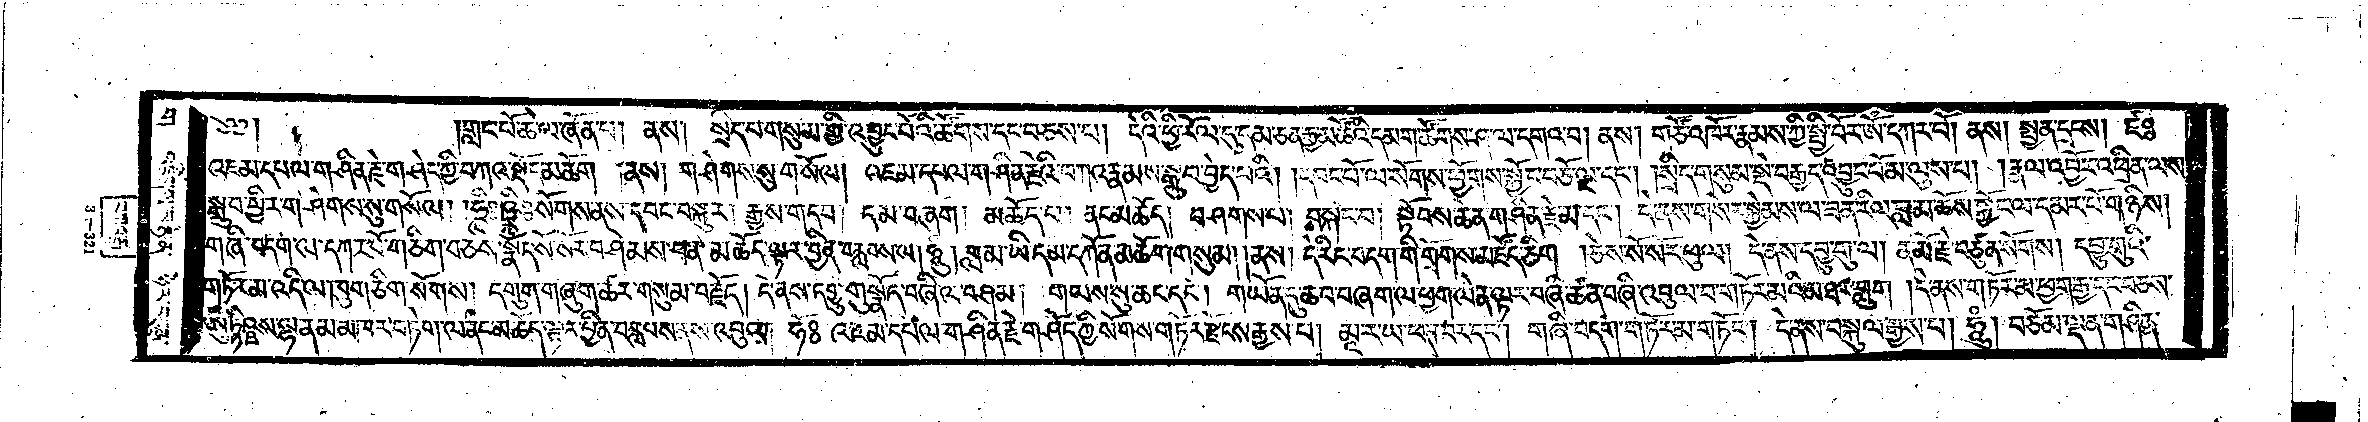༄༅། །གླང་པོ་ཆེ་ལ་ཞོན་པ། ནས། སྲིད་པ་གསུམ་གྱི་འབྱུང་པོའི་ཚོགས་དང་བཅས་པ། དེའི་ཕྱི་རོལ་དུ་དམ་ཅན་རྒྱ་མཚོའི་དམག་ཚོགས་ཤ་ལ་དགའ་བ། ནས། གཙོ་འཁོར་རྣམས་ཀྱི་སྤྱི་བོར་ཨོཾ་དཀར་པོ། ནས། སྤྱན་དྲངས། ཛཿ
འཇམ་དཔལ་གཤིན་རྗེ་གཤེད་ཀྱི་བཀའ་སྡོད་མཆོག་གནས། གཤེགས་སུ་གསོལ། འཇམ་དཔལ་གཤིན་རྗེའི་བཀའ་རྣམས་སྒྲུབ་བྱེད་པའི། །དབང་པོ་ལ་སོགས་ཕྱོགས་སྐྱོང་བཅོ་ལྔ་དང་། །སྲིད་གསུམ་སྡེ་བརྒྱད་འབྱུང་པོ་མ་ལུས་པ། །རྣལ་འབྱོར་འཕྲིན་ལས་
སྒྲུབ་ཕྱིར་གཤེགས་སུ་གསོལ། །ཧྲིཿཥྲཱིཿ སོགས་ནས་དབང་བསྐུར། རྒྱས་གདབ། དམ་བཞག། མཆོད་པ་གནང་མཆོད། བཤགས་པ། བསྐང་བ། སྟོབས་ཆེན་གཤིན་རྗེ་མ་དང་། དེ་ནས་གསེར་སྐྱེམས་ལ་ཟན་རིལ་ཟླ་མ་ཆོས་སྐྱོང་ལ་དམར་པོ་གཉིས།
གཞི་བདག་ལ་དཀར་པོ་གཅིག་བཅས་སྣོད་སོ་སོར་བཤེམས་བན་མཆོད་ལྟར་བྱིན་བརླབས་ལ། ཧཱུཾ། བླ་མ་ཡི་དམ་དཀོན་མཆོག་གསུམ། །ནས། དེ་རིང་བདག་གི་གྲོགས་མཛོད་ཅིག །ཅེས་སོ་སོར་ཕུལ། དེ་ནས་དབྱུ་གུ་ལ། ན་མོ་རྗེ་བཙུན་སོགས། དབྱུ་གུའི་
གཏོར་མ་འདི་ལ་ཁུ་གཅིག་སོགས། དགུག་གཞུག་ཚར་གསུམ་བརྗོད། དེ་ནས་དབྱུ་གུ་སྣོད་བཞི་ལ་བཤམ། གཡས་སུ་ཆང་དང་། གཡོན་དུ་ཆབ་བཞག་ལ་ཕྱག་ལེན་ལྟར་བཞི་ཚན་བཞི་འབུལ་བ་གཏོར་མའི་མཐའ་གླུག །དེ་ནས་གཏོར་མ་ཕྱག་རྒྱ་དང་བཅས་
ཨུཏྟིཥཊཿཨས་ལྷ་ནམ་མཁར་བཏེག་ལ་ནང་མཆོད་ལྟར་བྱིན་བརླབས་ནས་འབུལ། ཧོཿ ལ་མ་དཔལ་གཤིན་རྗེ་གཤོད་ཀྱི་སོགས་གཏོར་རྫོངས་རྒྱས་པ། མངར་ཡ་ཕཊ་བར་དང་། གཞི་བདག་གཏོར་མ་གཏོང་། དེ་ནས་བསྐུལ་རྒྱས་པ། ཧཱུཾ། བཅོམ་ལྡན་གཤིན་